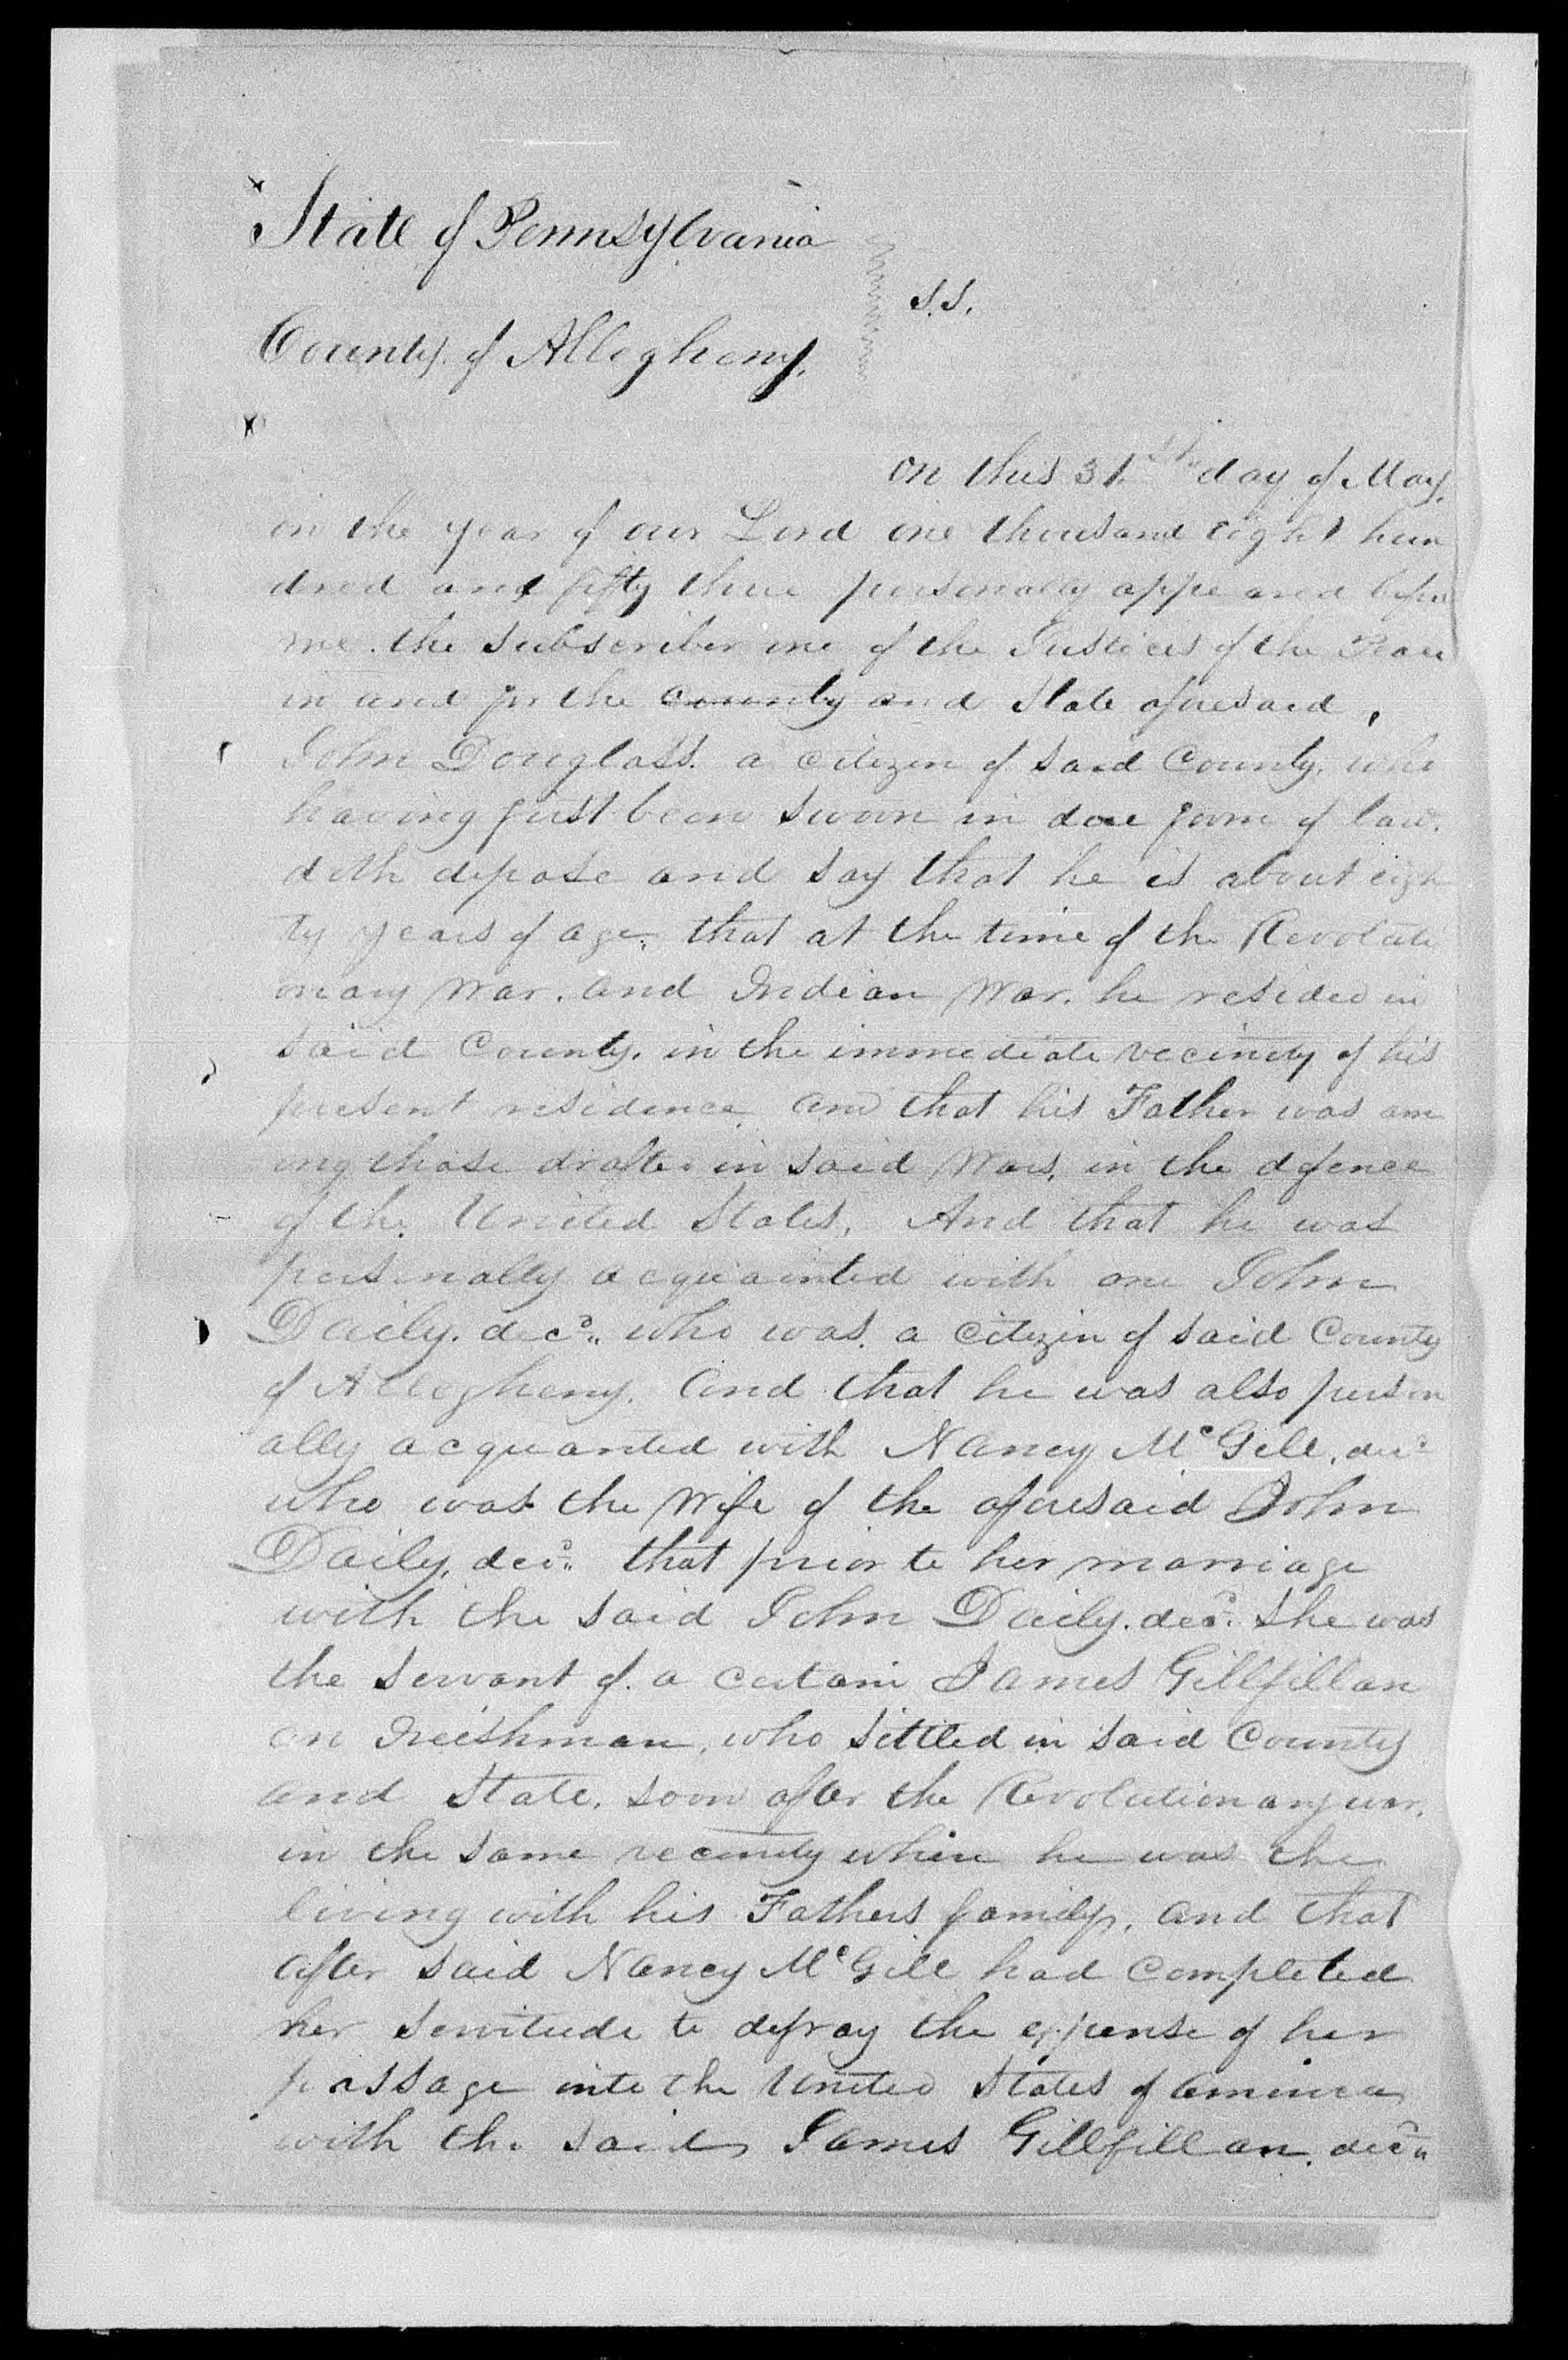State of Pennsylvania
S.S.
County of Allegheny
On this 31st day of May
in the year of our Lord one thousand eight hundred
and fifty three personally appeared before
me the Subscriber one of the Justices of the Peace
in and for the county and State aforesaid,
John Douglass. a citizen of said County. who
having first been Sworn in due form of law.
doth depose and say that he is about eighty
years of age that at the time of the Revolutionary
war and Indian War he resided in
said County. in the immediate vicinity of his
present residence and that his Father was among
those date in said wars, in the defence
of the United States. And that he was 
personally acquainted with one John
Daily decd who was a citizen of Said County
of Allegheny and that he was also personally
acquainted with Nancy McGill decd
who was the wife of the aforesaid John
Daily decd that prior to her marriage
with the said John Daily decd She was
the Servant of a certain James Gillfillan
an Irishman, who Settled in Said County
and State, soon after the Revolutionary war
in the same vecinity where he was then
living with his Fathers family, and that
after Said Nancy McGill had completed
her Servitude to defray the expense of her
passage into the United States of Amenia
with the said James Gillfillan decd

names: John Daily, Nancy Mc Gill, John Daily, Nancy Mc Gill, James Gillfillan, John Douglass, James Gillfillan, John Daily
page: 29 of 63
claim: widow's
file: W. 3228, John Daly, Penn.